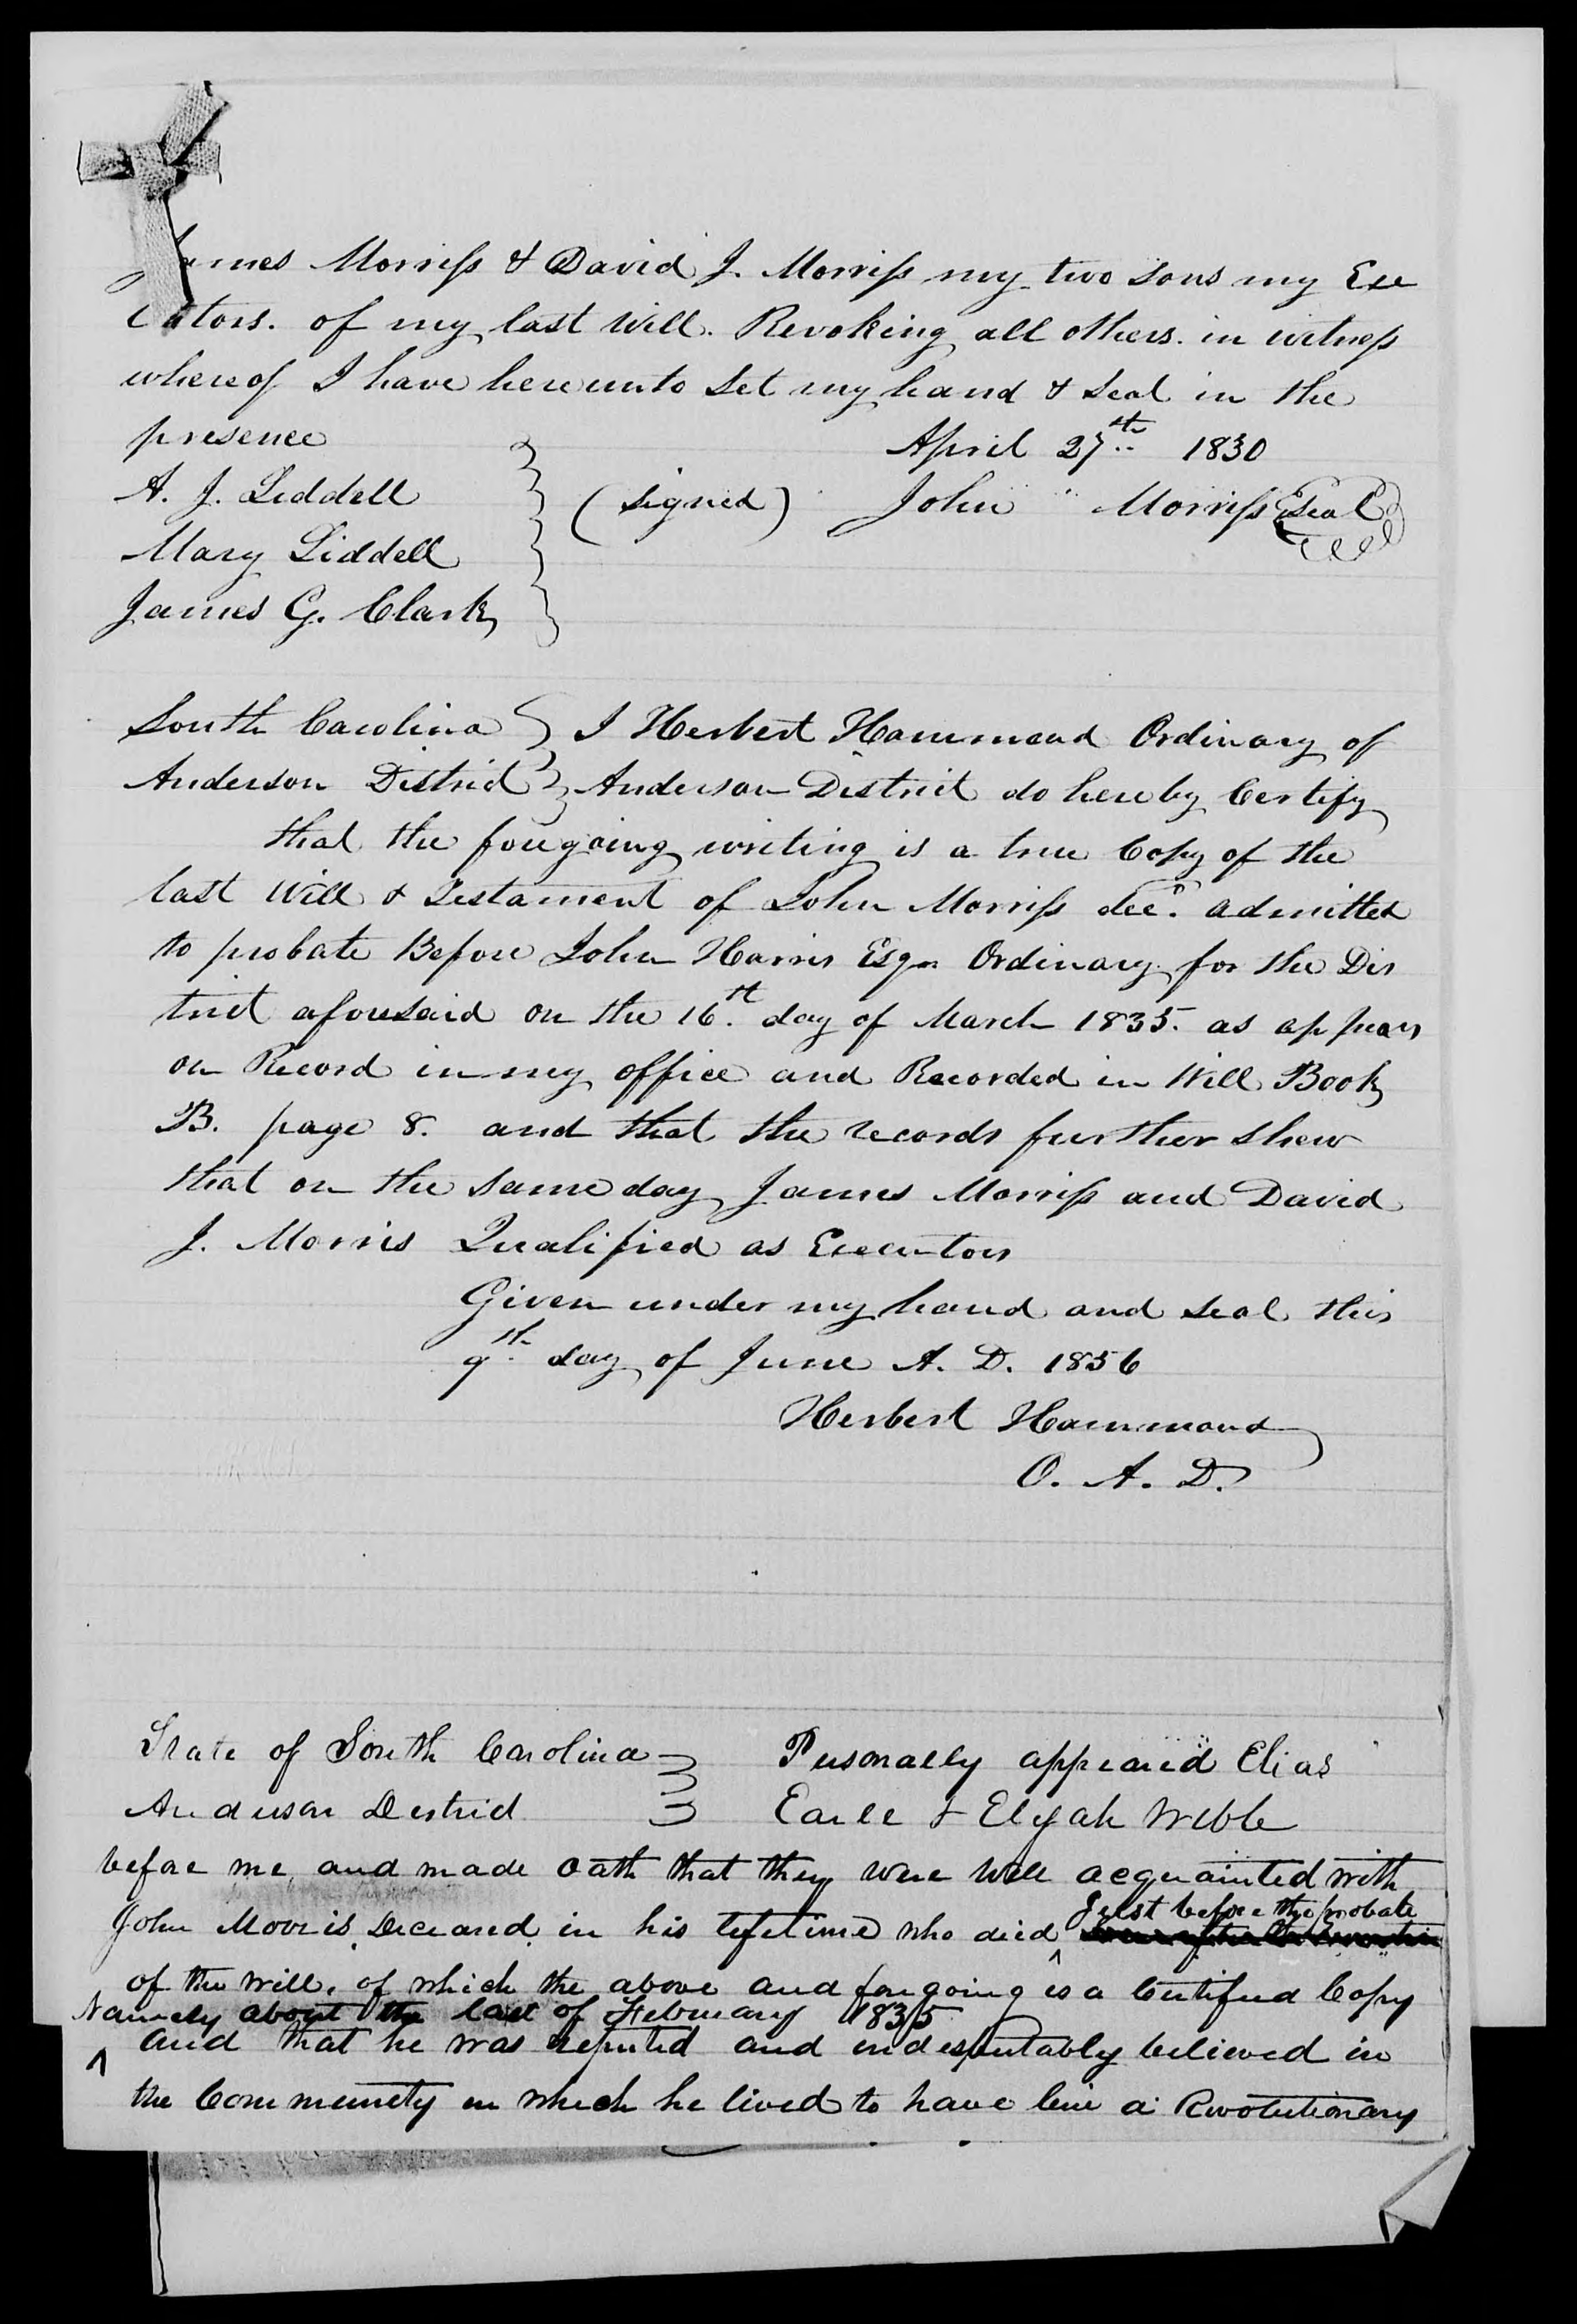James Morriss & David J. Morriss my two sons my Executors of my last will Revoking all others in witness
whereof I have hereunto set my hand & seal in the presence
A. J. Liddell, Mary Liddell, James G. Clark April 27th 1830
(Signed ) John Morriss

South Carolina Anderson District
I Herbert Hammond Ordinary of  Anderson District do hereby certify
that the foregoing writing is a true copy of the last Will & Testament of John Morriss decd admitted
to probate before John Harris Esqr Ordinary for the District aforesaid on the 16th day of March 1835, as appears on Record in my office and Recorded in Will Book B. page 8. and that the records further show
that on the same day James Morriss and David J. Morris qualified as Executors
Given under my hand and seal this
9th day of June A.D. 1856
s/ Herbert Hammond OAD

State of South Carolina
Anderson District
Personally appeared Elias Earle & Elijah Webb before me and made oath that they were well acquainted with John Morris Deceased in his lifetime who died just before the probate of the will of which the above and foregoing is a certified Copy
[Illegible] about the last of February 1835 and that he was reputed and indisputably believed in the Community in which he lived to have been a Revolutionary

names: John Morriss; Elijah Webb; John Harris; A J Liddell; Elias Earle; David J Morriss; James Morriss; James G Clark; Herbert Hammond; Mary Liddell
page: 6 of 20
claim: rejected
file: R. 7407, for John Morriss, South Carolina